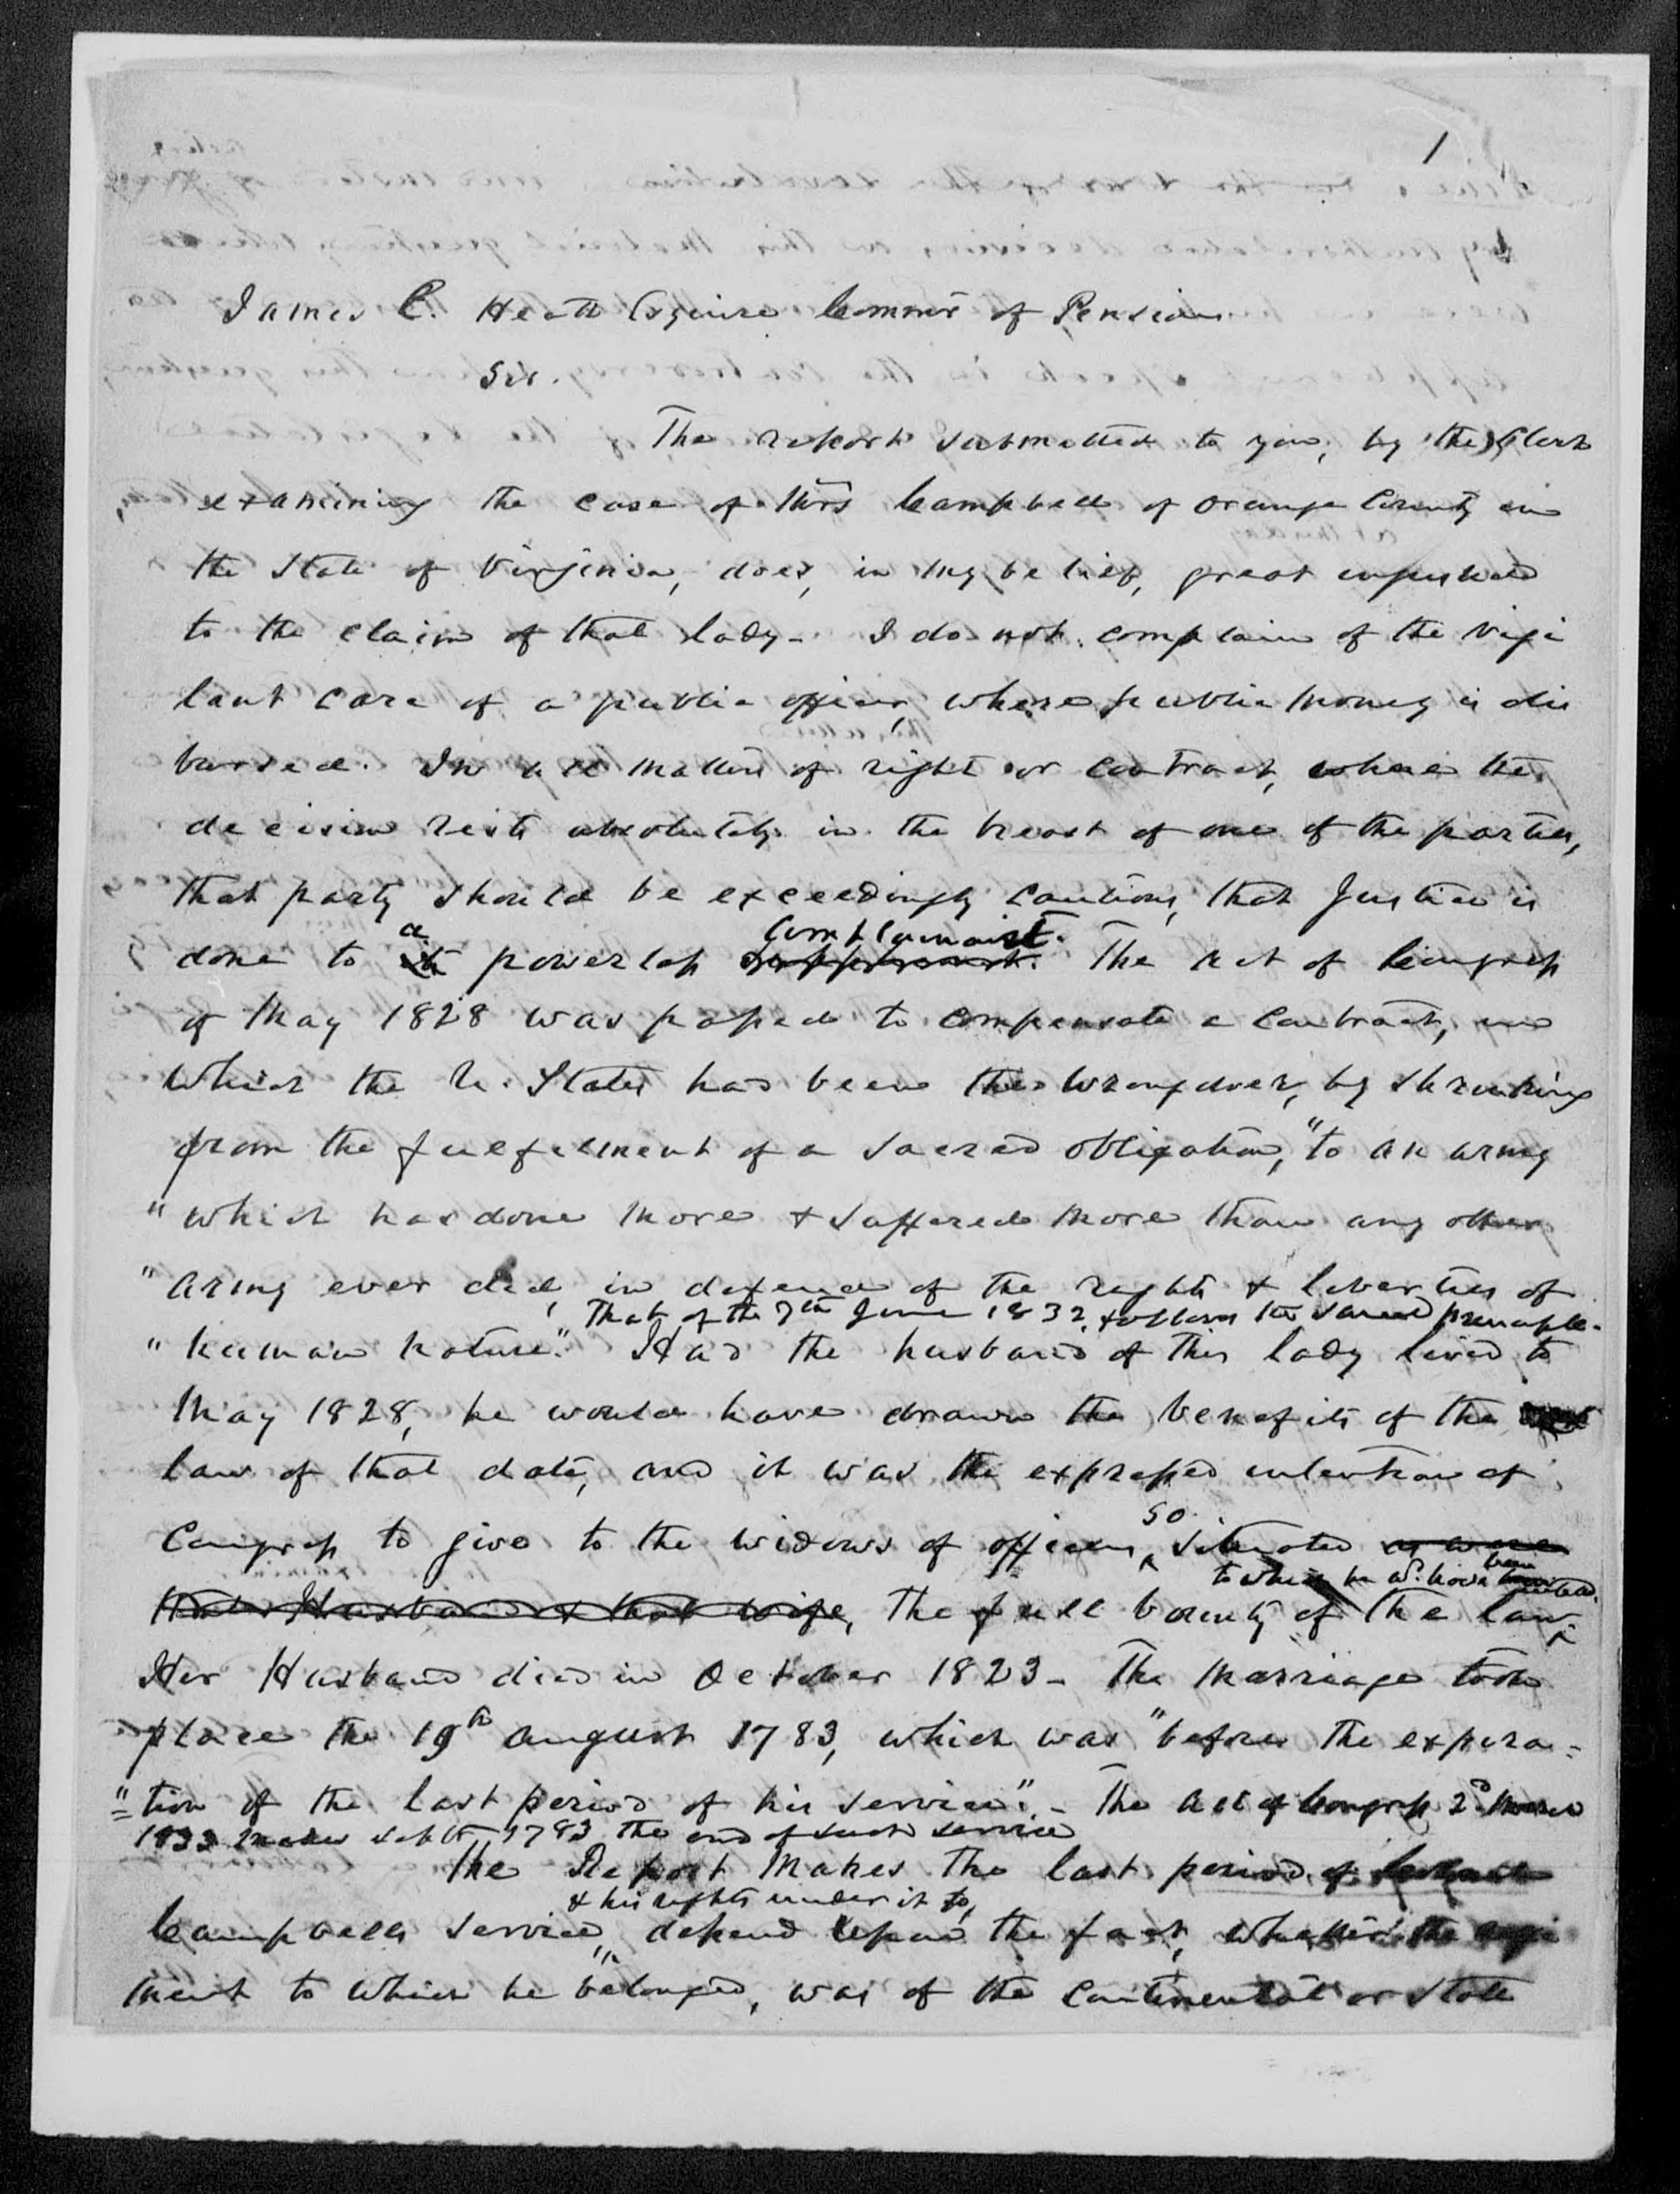James C. Heath Esquire. Commr. of Pensions
Sir.
The report submitted to you; by the Clerk examining the case of Mrs Campbell of Orange County in the State of Virginia, does, in my belief, great injustice to the claim of that lady __   I do not complain of the vigilant care of a public officer where public money is disbursed.   In the matters of right or contract, where the decision rests absolutely in the Interest of one of the parties, that party should be exceedingly cautious, that Justice is done to a powerful complainant.  The Act of Congress of May 1828 was passed to compensate a Contract, in which the U. States had been the wrong doer, by shrinking from the fulfillment of a Sacred obligation, "to an army which had done more & Suffered more than any other army ever did, in defence [sic] of the rights & liberties of human nature." That of the 7th June 1832.  follows the sacred principle. Had the husband of this lady lived to May, 1828, he would have drawn the benefits of the law of that date, and it was the expressed intention of Congress to give to the widows of officers so subscribed  The full bounty of the law  to which he s'd have been entitled. Her Husband died October 1823   The marriage took place the 19th August 1783, which was "before the expiration of the last period of his services."  The Act of Congress 2nd Novber 1833 makes Septr 1783 the end of such service   The Report makes the last period of Captain Campbells Service, & his rights under it to, depend upon the fact, whether the regiment to which he belonged, was of the Continental or State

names: Campbell, Campbell, James E Heath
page: 221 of 267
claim: widow's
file: W. 4,149, William Campbell, Va.